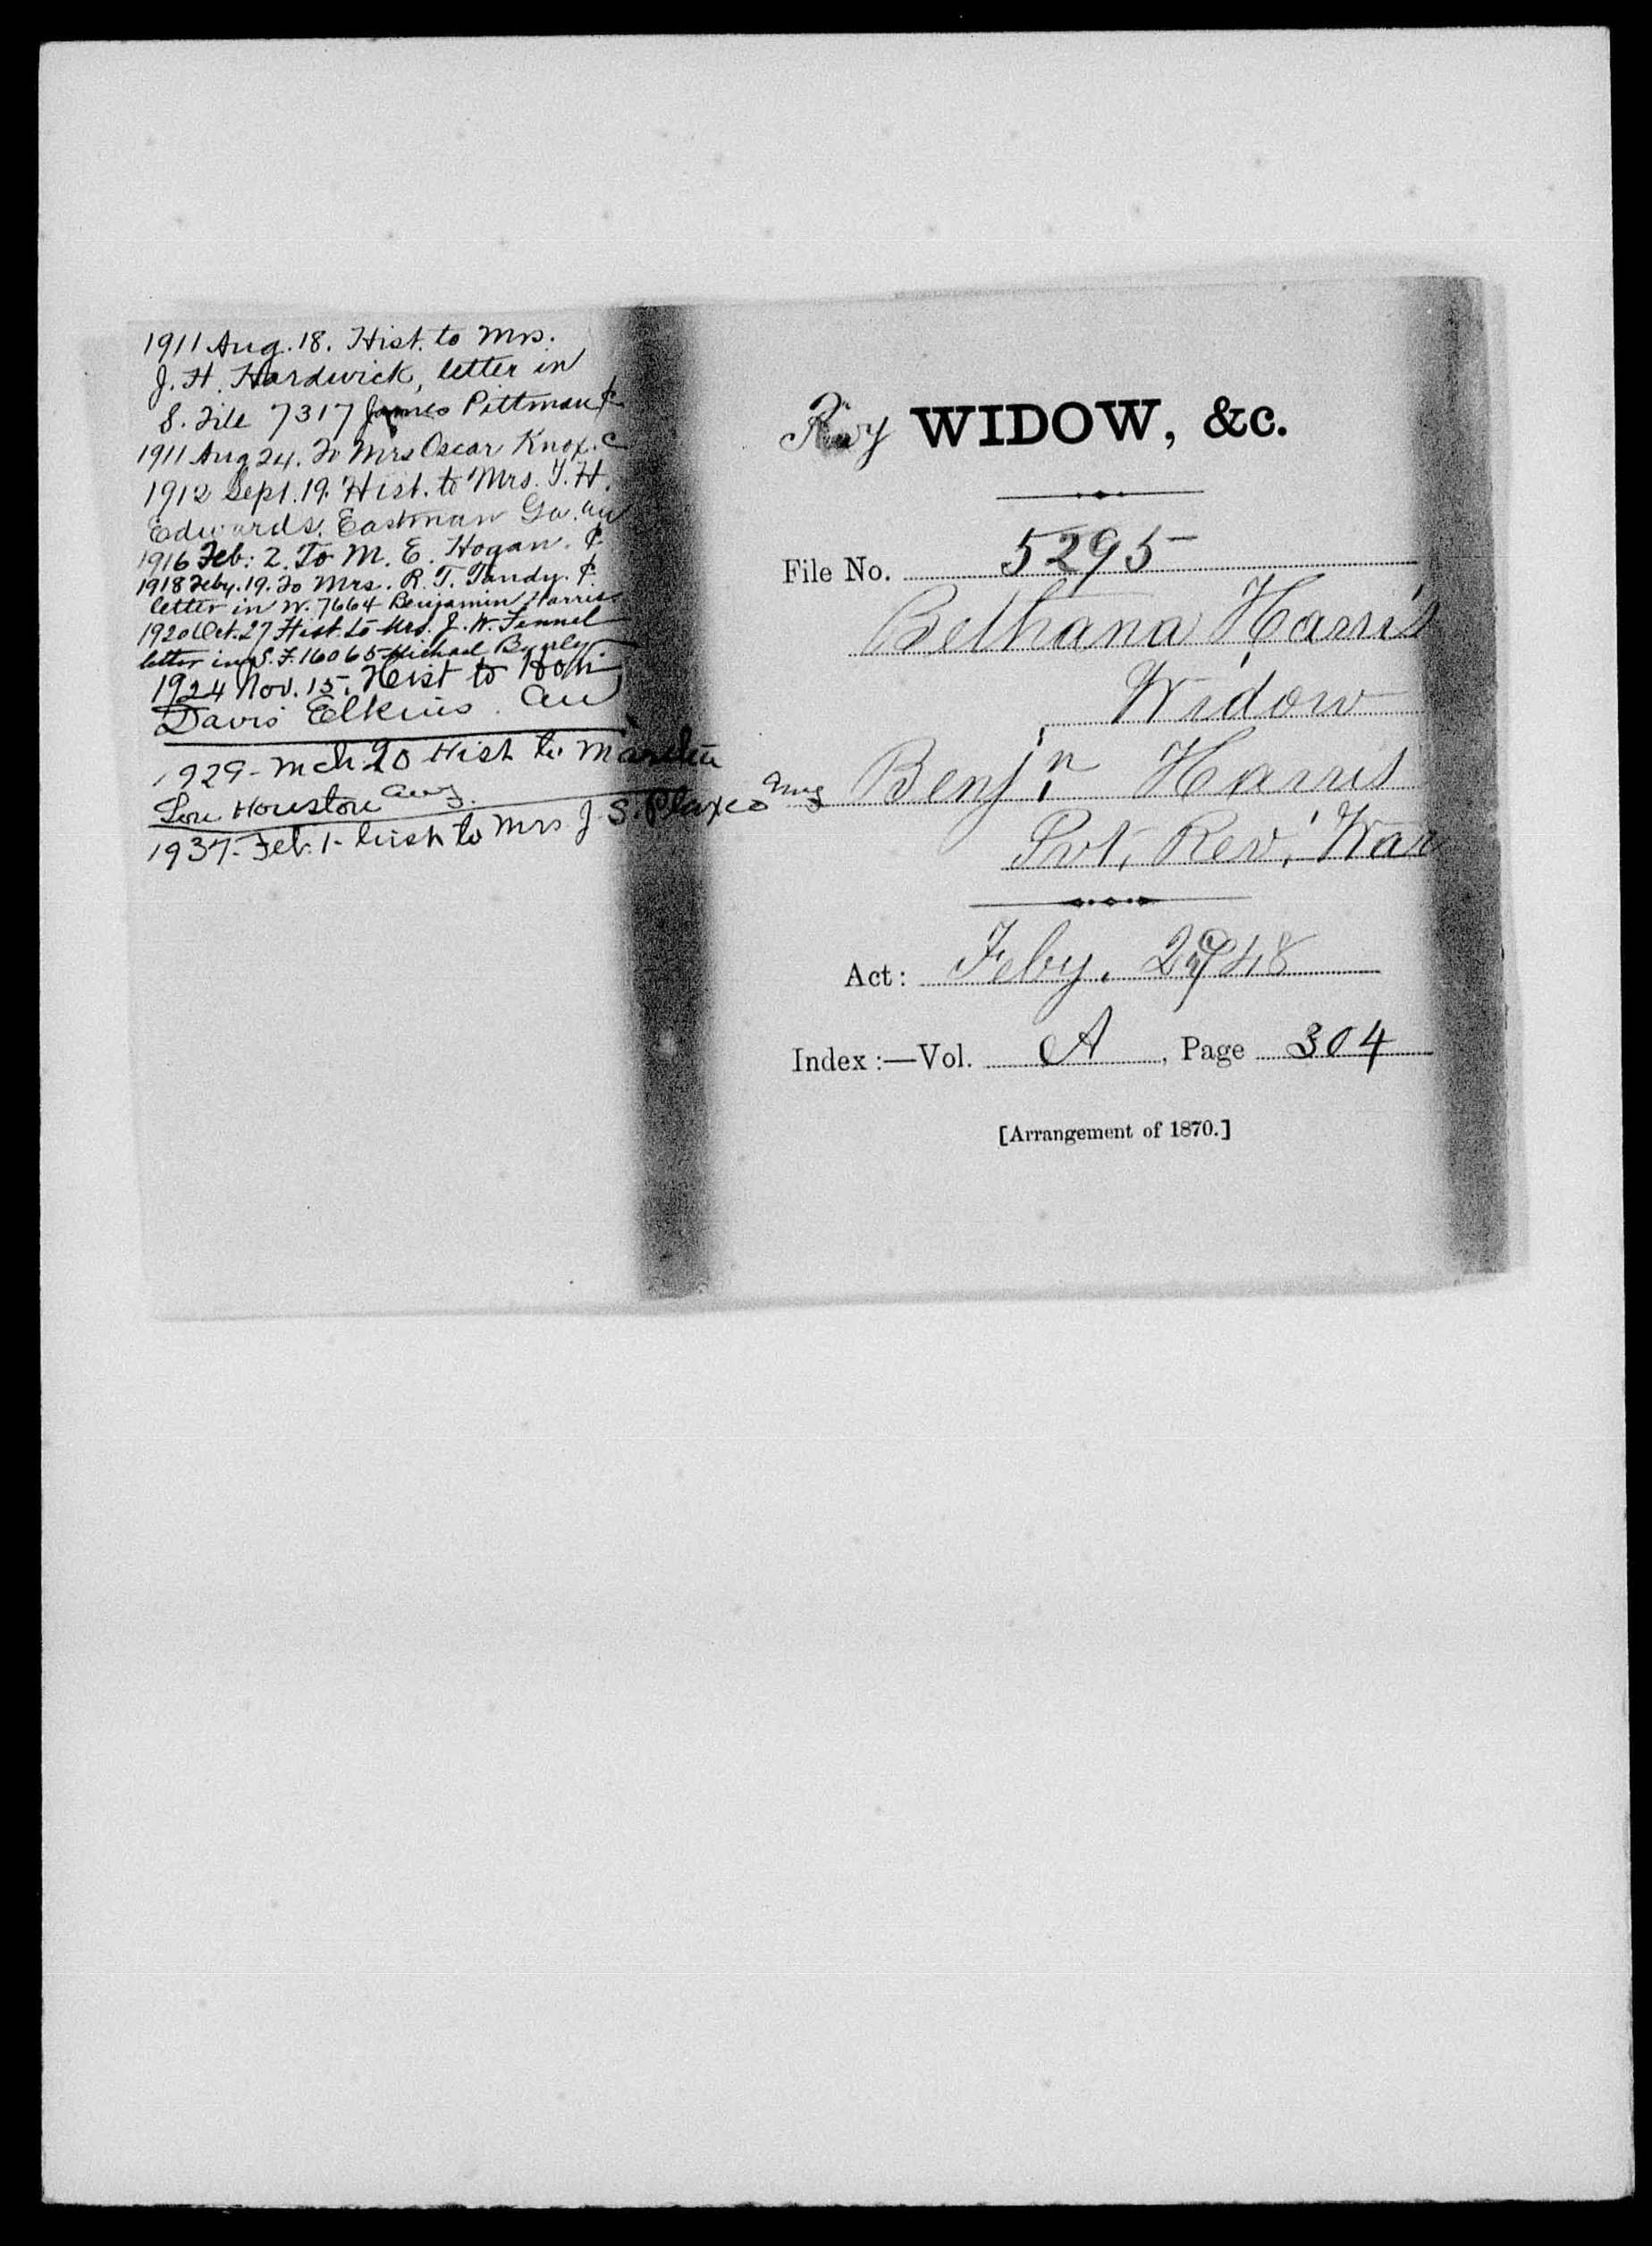[left page]
1911 Aug. 18. Hist to Mrs. J. H. Hardwick, letter in S. File 7317 Jan Pittman 
1911 Aug 24. To Mrs Oscar Knox 
1912 Sept. 19. Hist. to Mrs. J.H. Edwards, Eastman Ga. 
1916 Feb. 2. To M.E. Hogan
1918 Feby. 19. To Mrs. R. T. Tandy P. letter in W. 7664 Benjamin Harris 
1920 Oct 17 Hist to Mrs. J. W. Fennel letter in S.F. 16065 Michael Byerly 
1924 Nov. 15 Hist to Hon Davis Elkins
-----------
1929 Mch 20 Hist to a Lou Houston 
1937 Feb. 1 - Hist to Mrs J Plaxco

[right page]
Revy WIDOW, &c. 
File No. 5295
Bethana Harris 
Widow Benjn Harris
Pvt. Rev. War --- 
Act: Feby, 27 48 
Index: --Vol. A, Page 304 
[Arrangement of 1870.]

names: Bethana Harris, Michael Byerly, J W Fennel, Oscar Knox, R T Tandy, Davis Elkins, James Pittman, J S Plaxco, Benjamin Harris, J H Hardwick, M E Hogan, Martha Lou Houston, Benjn Harris, T H Edwards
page: 24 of 62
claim: survivor's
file: S. 38816, Benjamin Harris, Mass.